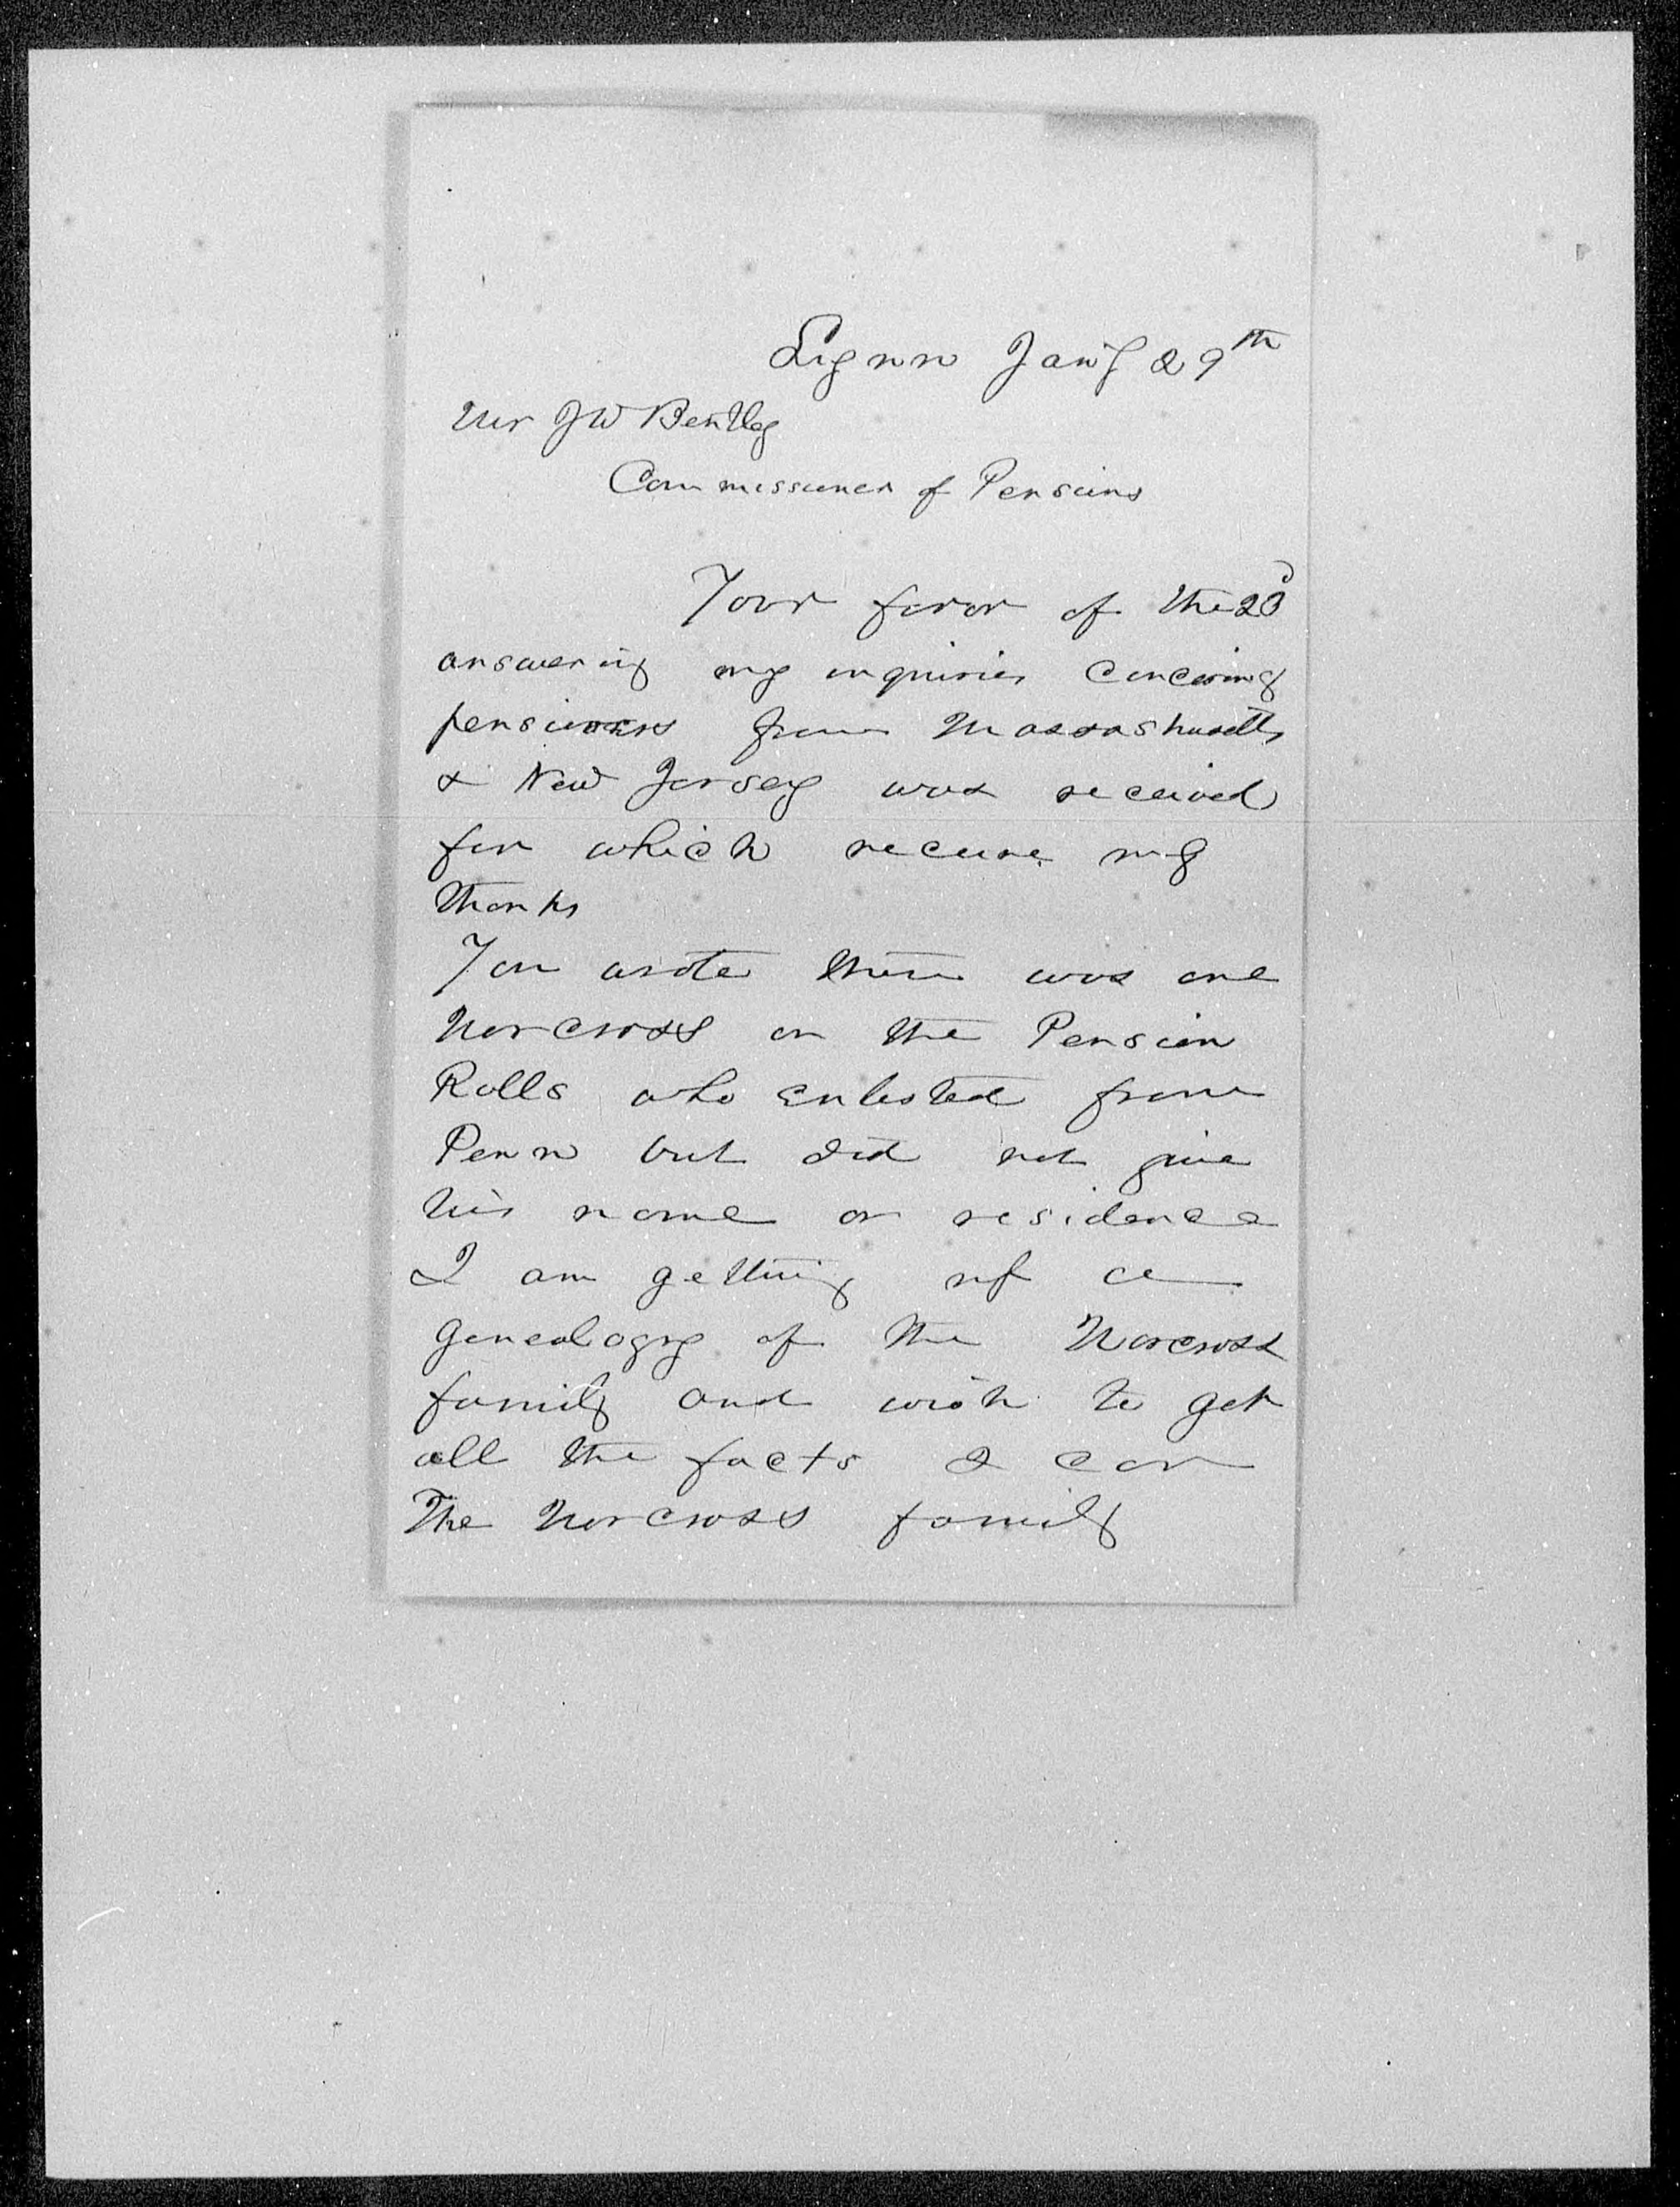Lynn [Massachusetts] Jan'y 29th

Mr. J.W. Bentley
Commissioner of Pensions

Your form of the 23d 
answering my inquiries concerning 
pensioners from Massachusetts 
& New Jersey was received
for which receive my 
thanks.

You wrote there was one
Norcross on the Pension
Rolls who enlisted from
Penn but did not give 
his name or residence.
I am getting into the
genealogy of the Norcross
family and wish to get
all the facts I can.
The Norcross family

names: [BLANK] Norcross; J W Bentley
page: 17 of 23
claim: survivor's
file: S. 27257, for John Norcross, Pennsylvania